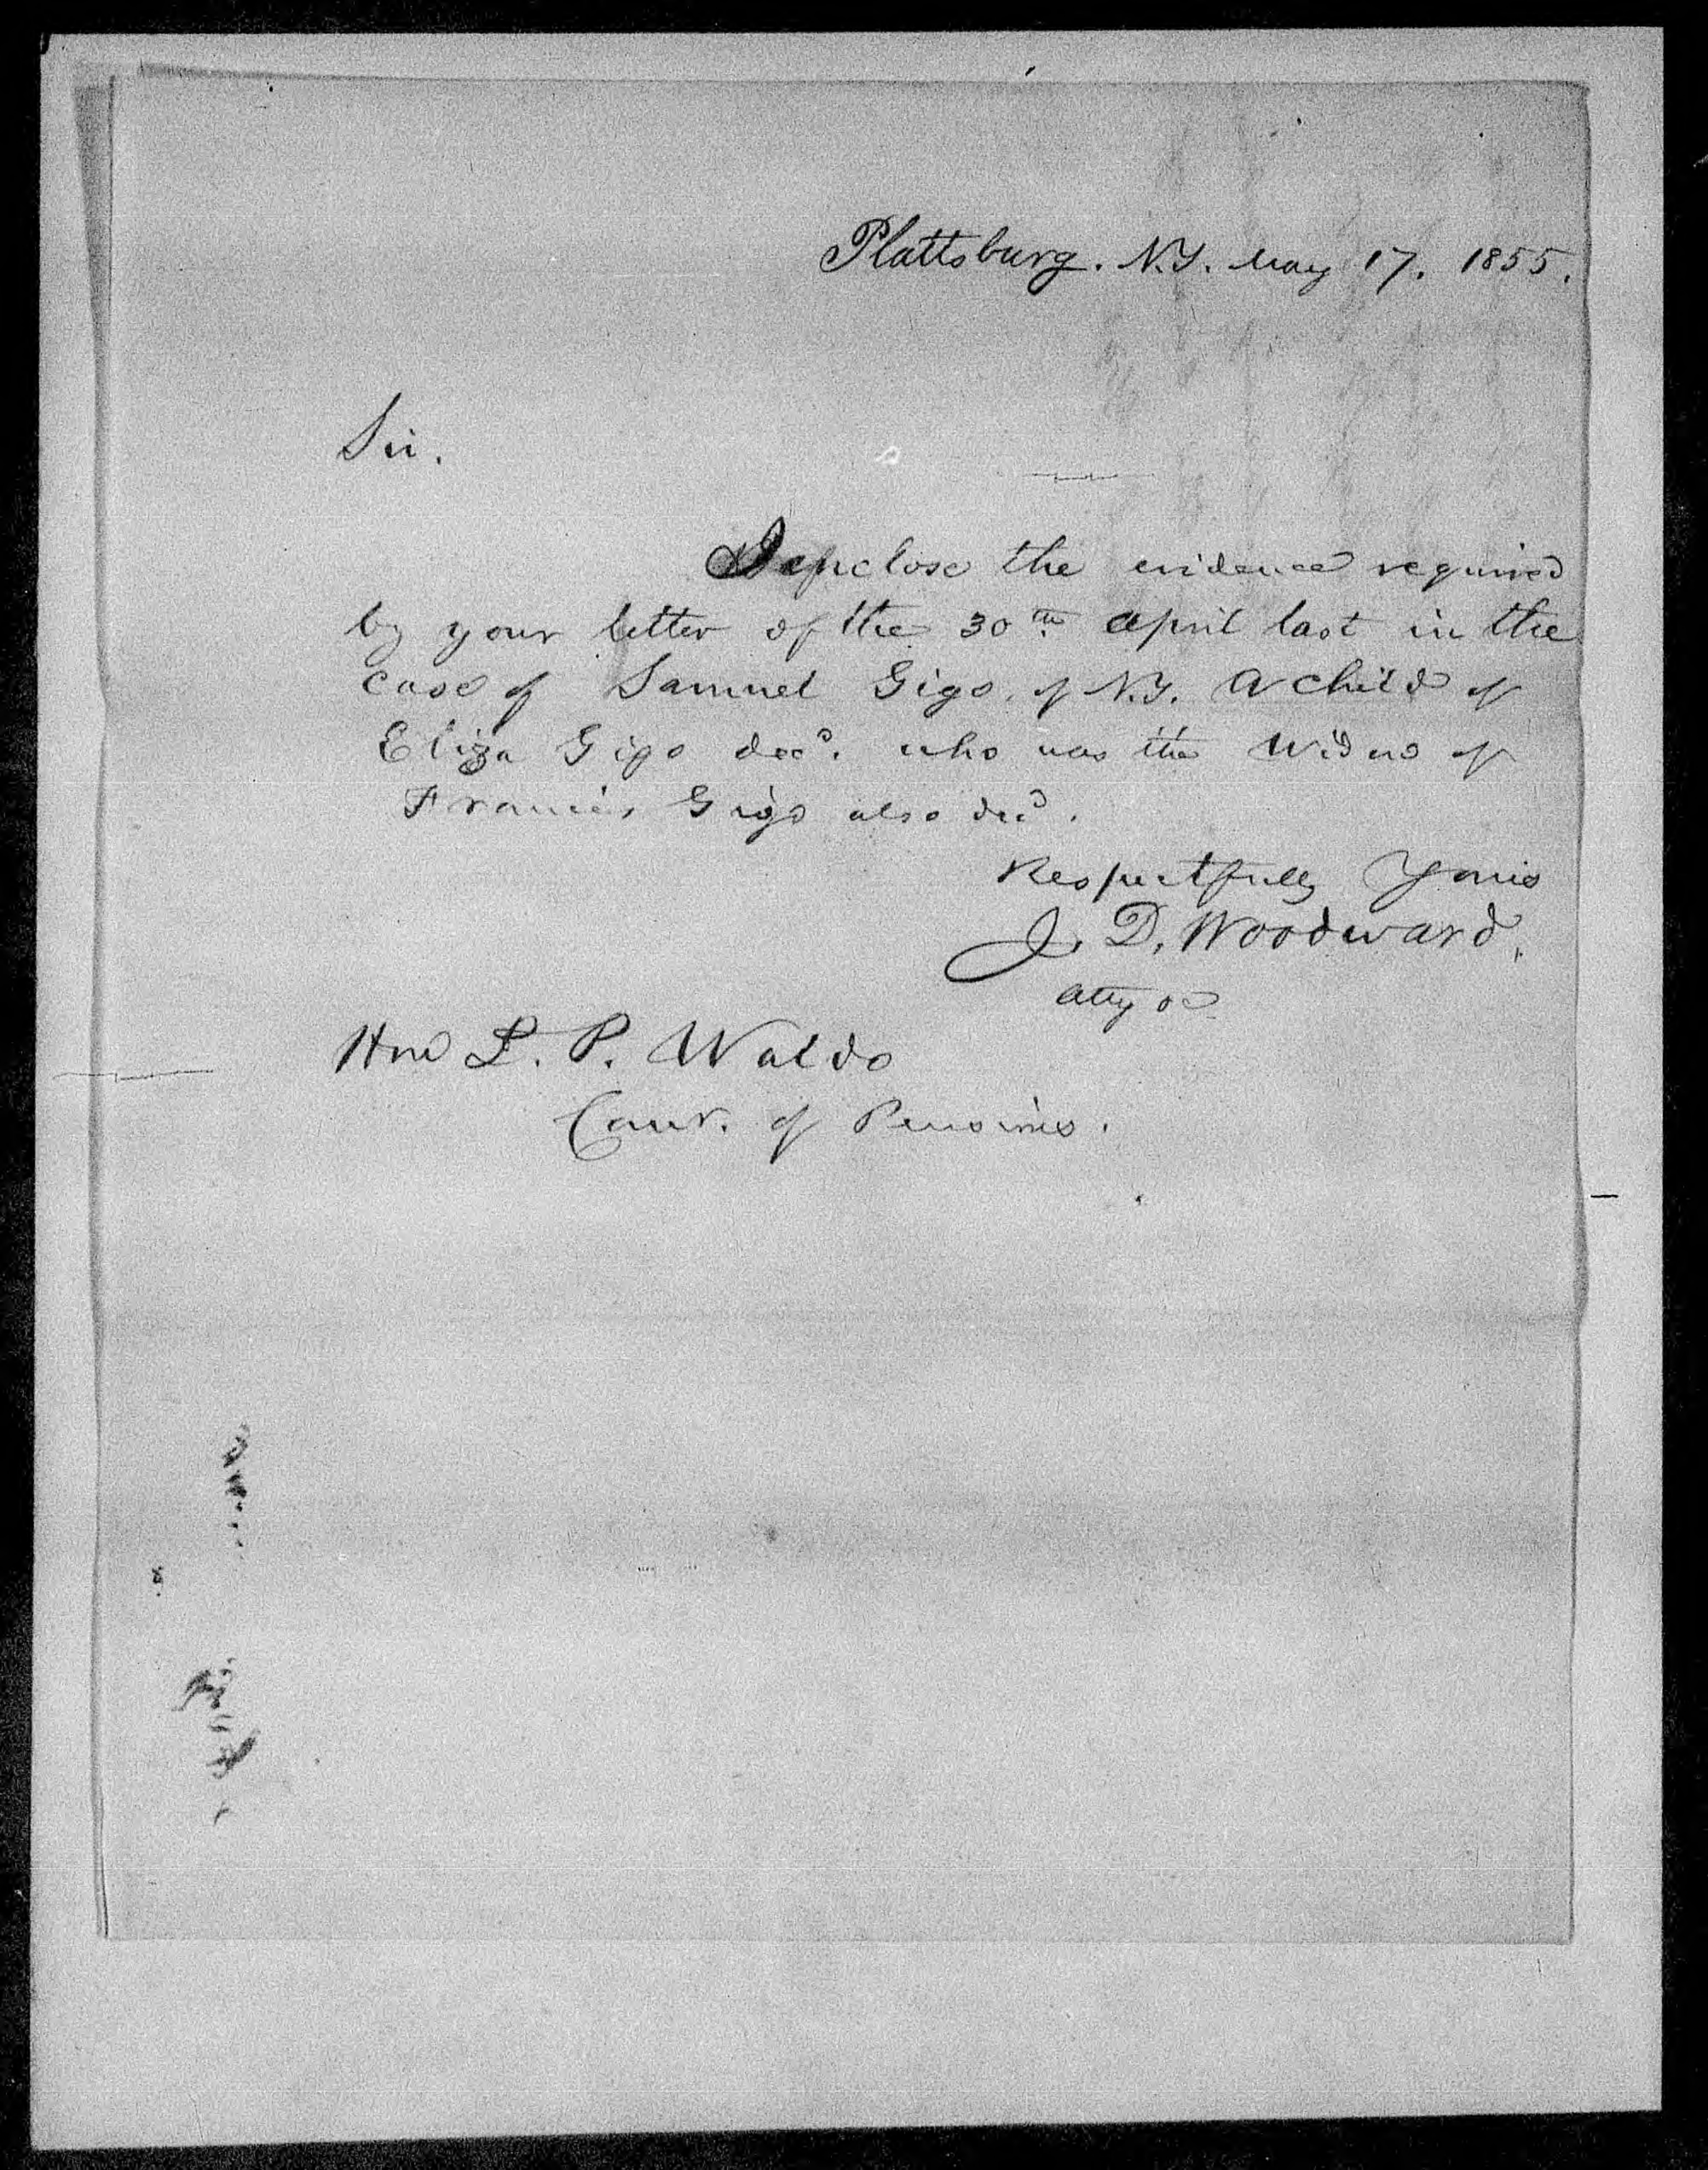Plattsburg, N.Y. May 17, 1855

Sir,
I enclose the evidence required by your letter of the 30th April last in the case of Samuel Gigo of N.Y. A child of Eliza Gigo decd, who was the widow of Francis Gigo also decd.
Respectfully yours
J. D. Woodward, atty
Hon. L. P. Waldo  Court of Pensions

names: Samuel Gigo, L P Waldo, J D Woodward, Eliza Gigo, Francis Gigo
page: 61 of 98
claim: widow's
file: W. 21182, Francis Gigo, Continental (Canadian)